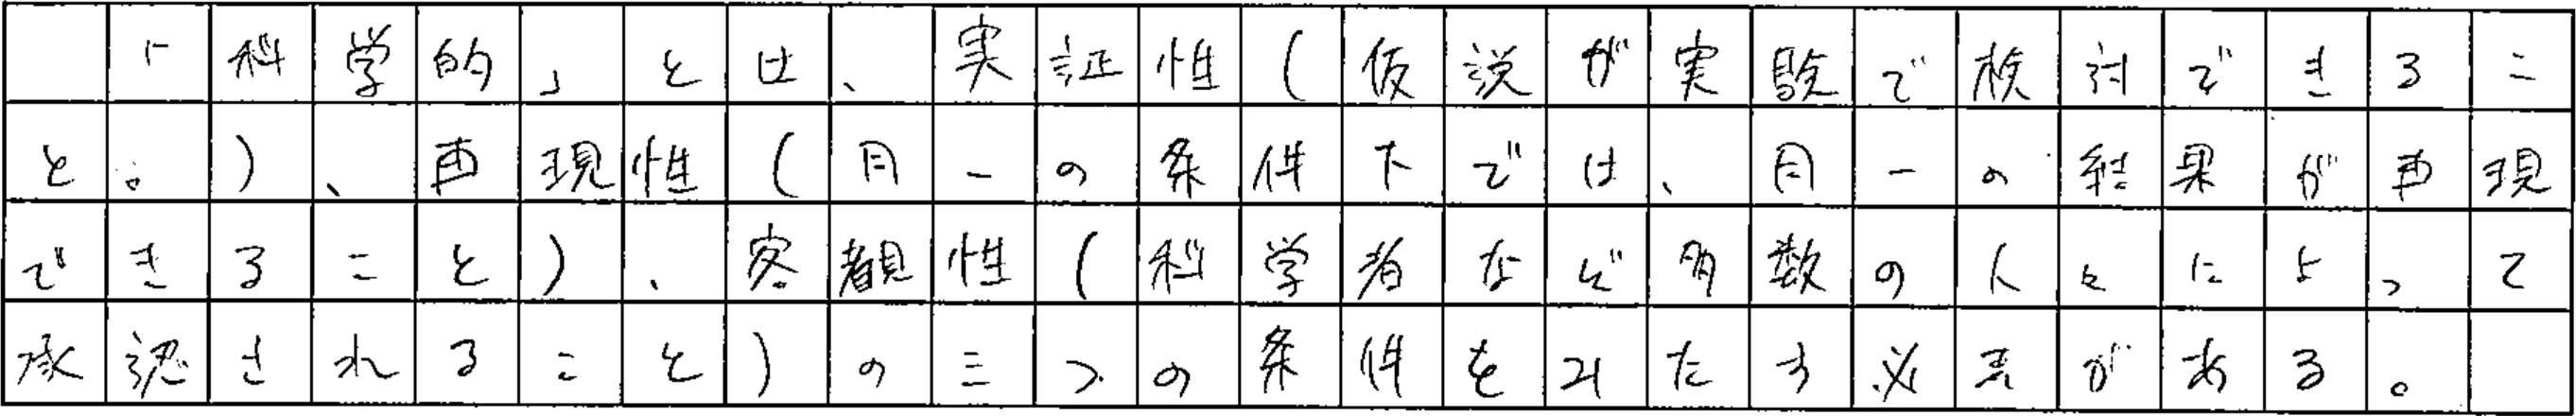　「科学的」とは、実証性（仮説が実験で検討できること。）、再現性（同一の条件下では、同一の結果が再現できること）、客観性（科学者など多数の人々によって承認されること）の三つの条件をみたす必要がある。
